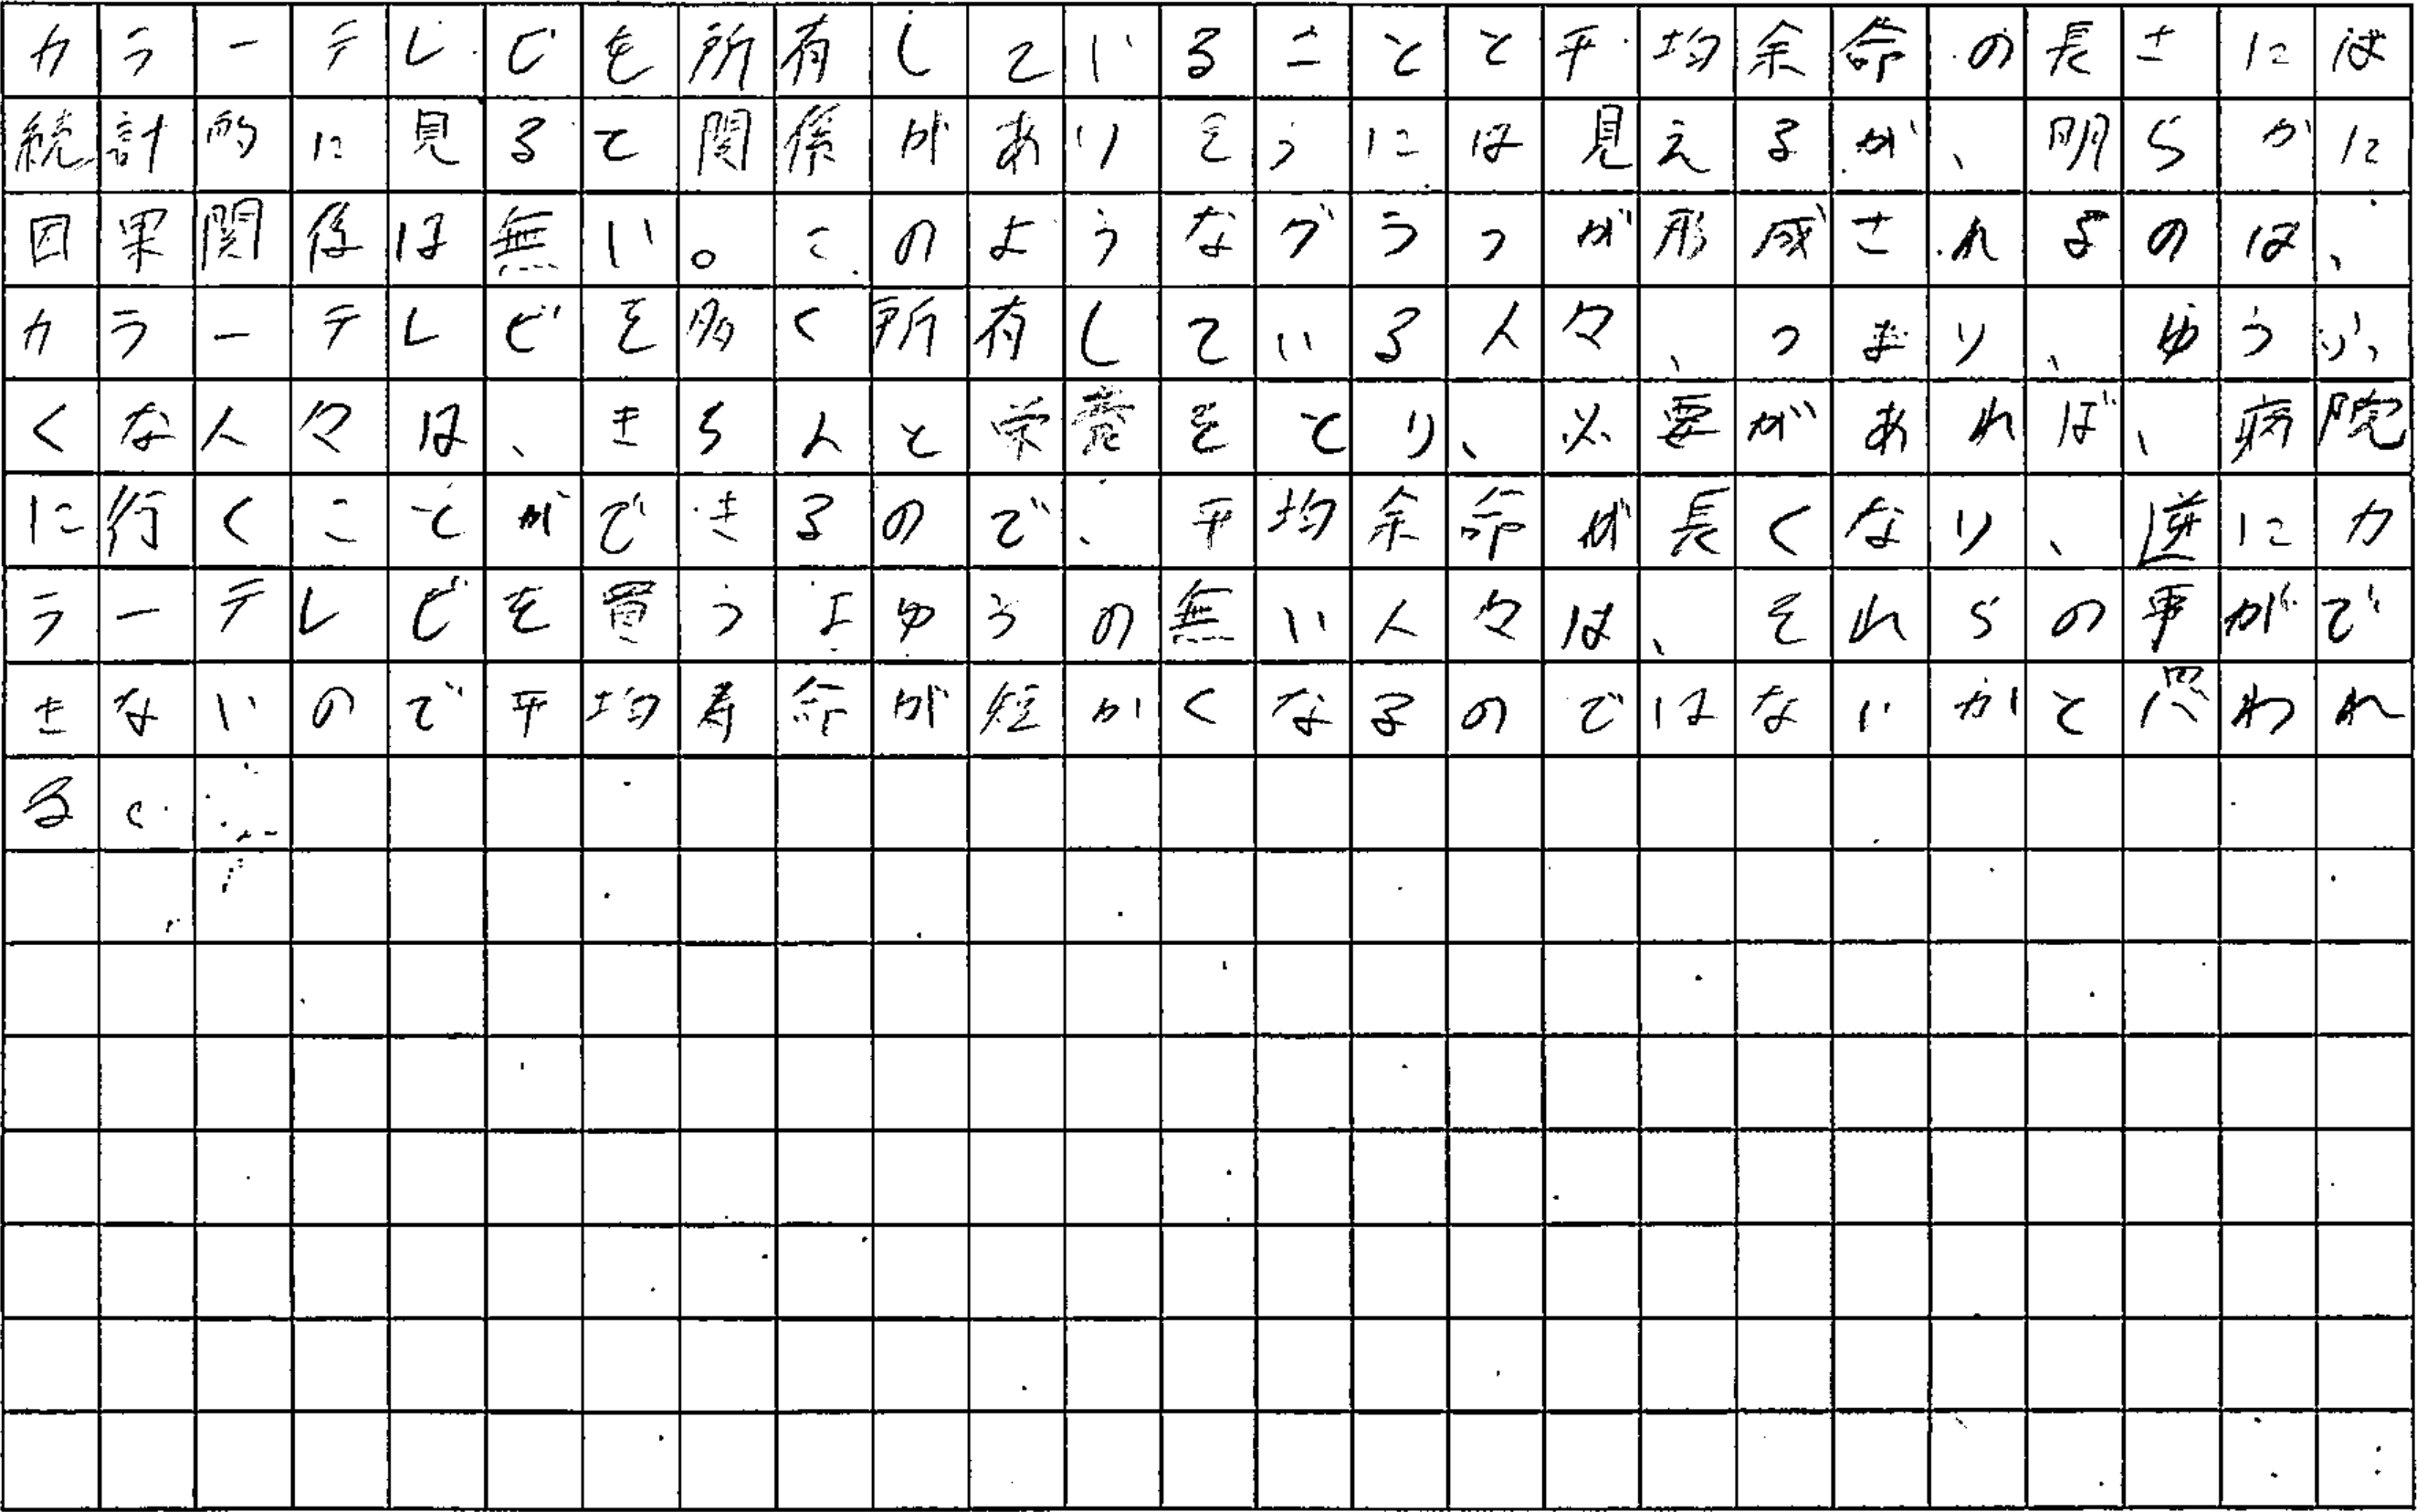カラーテレビを所有していることと平均余命の長さには統計的に見ると関係がありそうには見えるが、明らかに因果関係は無い。このようなグラフが形成されるのは、カラーテレビを多く所有している人々、つまり、ゆうふくな人々は、きちんと栄養をとり、必要があれば、病院に行くことができるので、平均余命が長くなり、逆にカラーテレビを買うよゆうの無い人々は、それらの事ができないので平均寿命が短かくなるのではないかと思われる。
